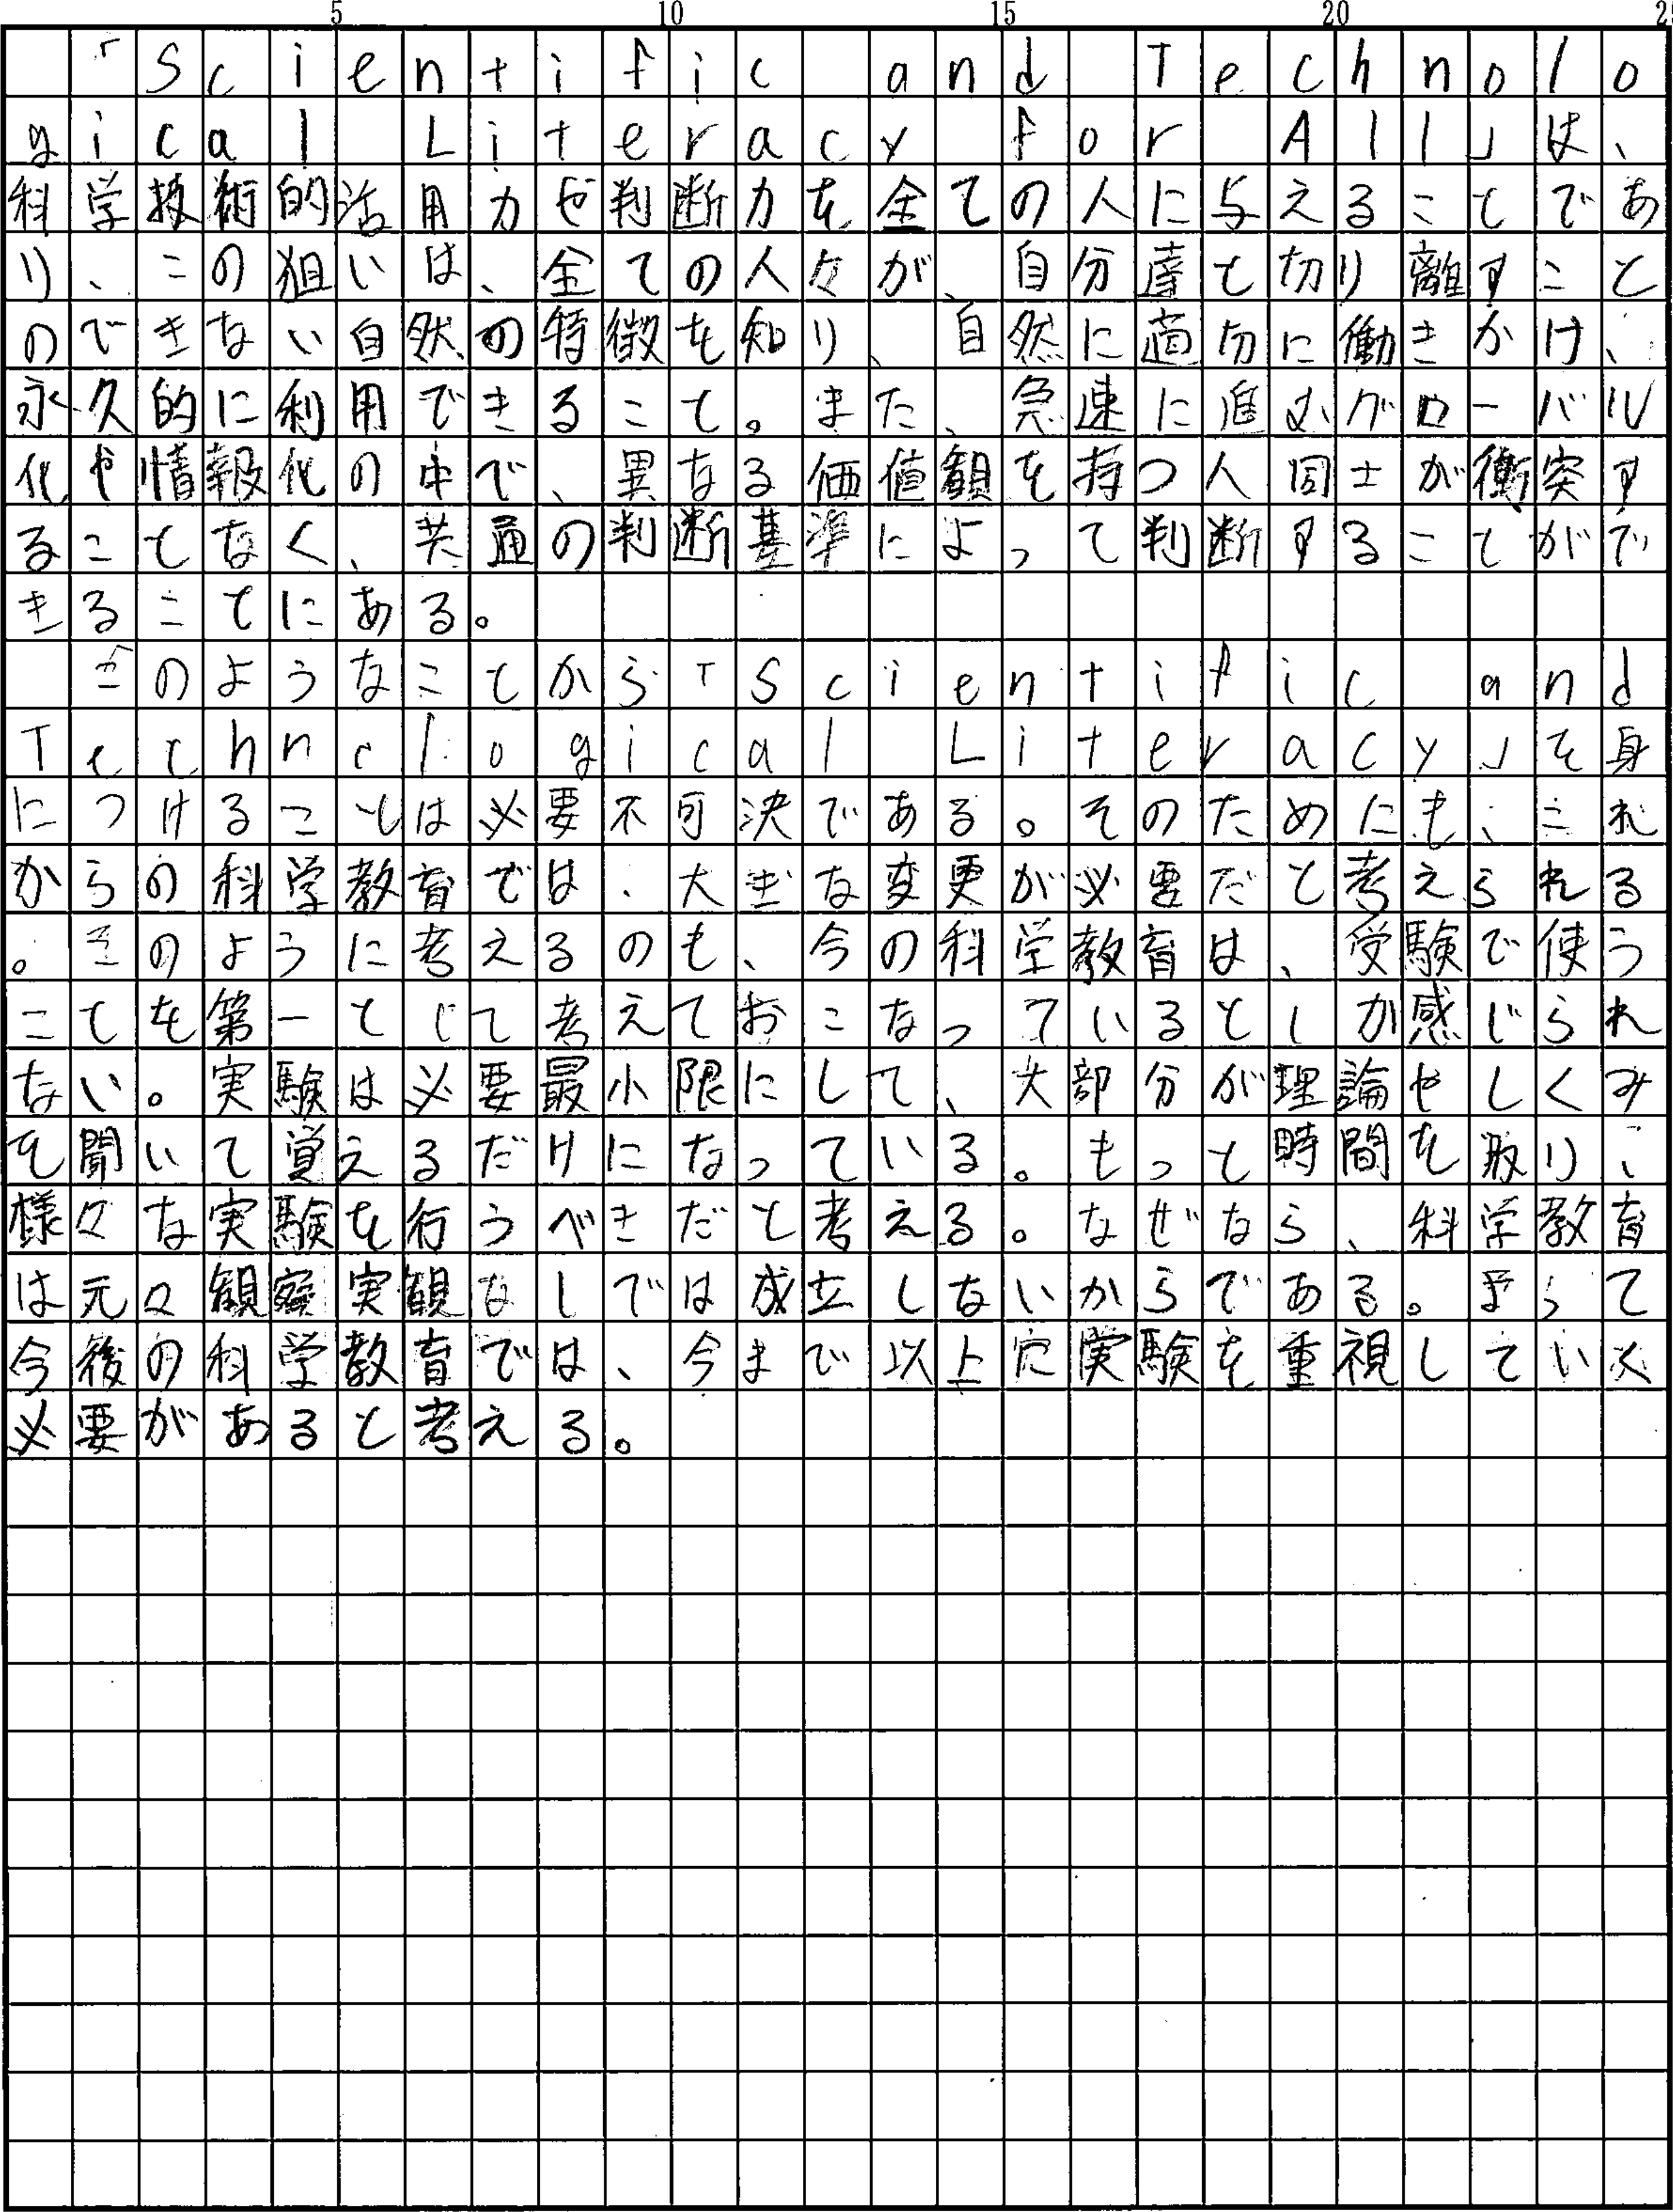　「Ｓｃｉｅｎｔｉｆｉｃ　ａｎｄ　Ｔｅｃｈｎｏｌｏｇｉｃａｌ　Ｌｉｔｅｒａｃｙ　ｆｏｒ　Ａｌｌ」は、科学技術的活用力や判断力を全ての人に与えることであり、この狙いは、全ての人々が、自分達と切り離すことのできない自然の特徴を知り、自然に適切に働きかけ、永久的に利用できること。また、急速に進むグローバル化や情報化の中で、異なる価値観を持つ人同士が衝突することなく、共通の判断基準によって判断することができることにある。
　このようなことから「Ｓｃｉｅｎｔｉｆｉｃ　ａｎｄ　Ｔｅｃｈｎｏｌｏｇｉｃａｌ　Ｌｉｔｅｒａｃｙ」を身につけることは必要不可決である。そのためにも、これからの科学教育では、大きな変更が必要だと考えられる。このように考えるのも、今の科学教育は、受験で使うことを第一として考えておこなっているとしか感じられない。実験は必要最小限にして、大部分が理論やしくみを聞いて覚えるだけになっている。もっと時間を取り、様々な実験を行うべきだと考える。なぜなら、科学教育は元々観察実験なしでは成立しないからである。よって今後の科学教育では、今まで以上に実験を重視していく必要があると考える。
